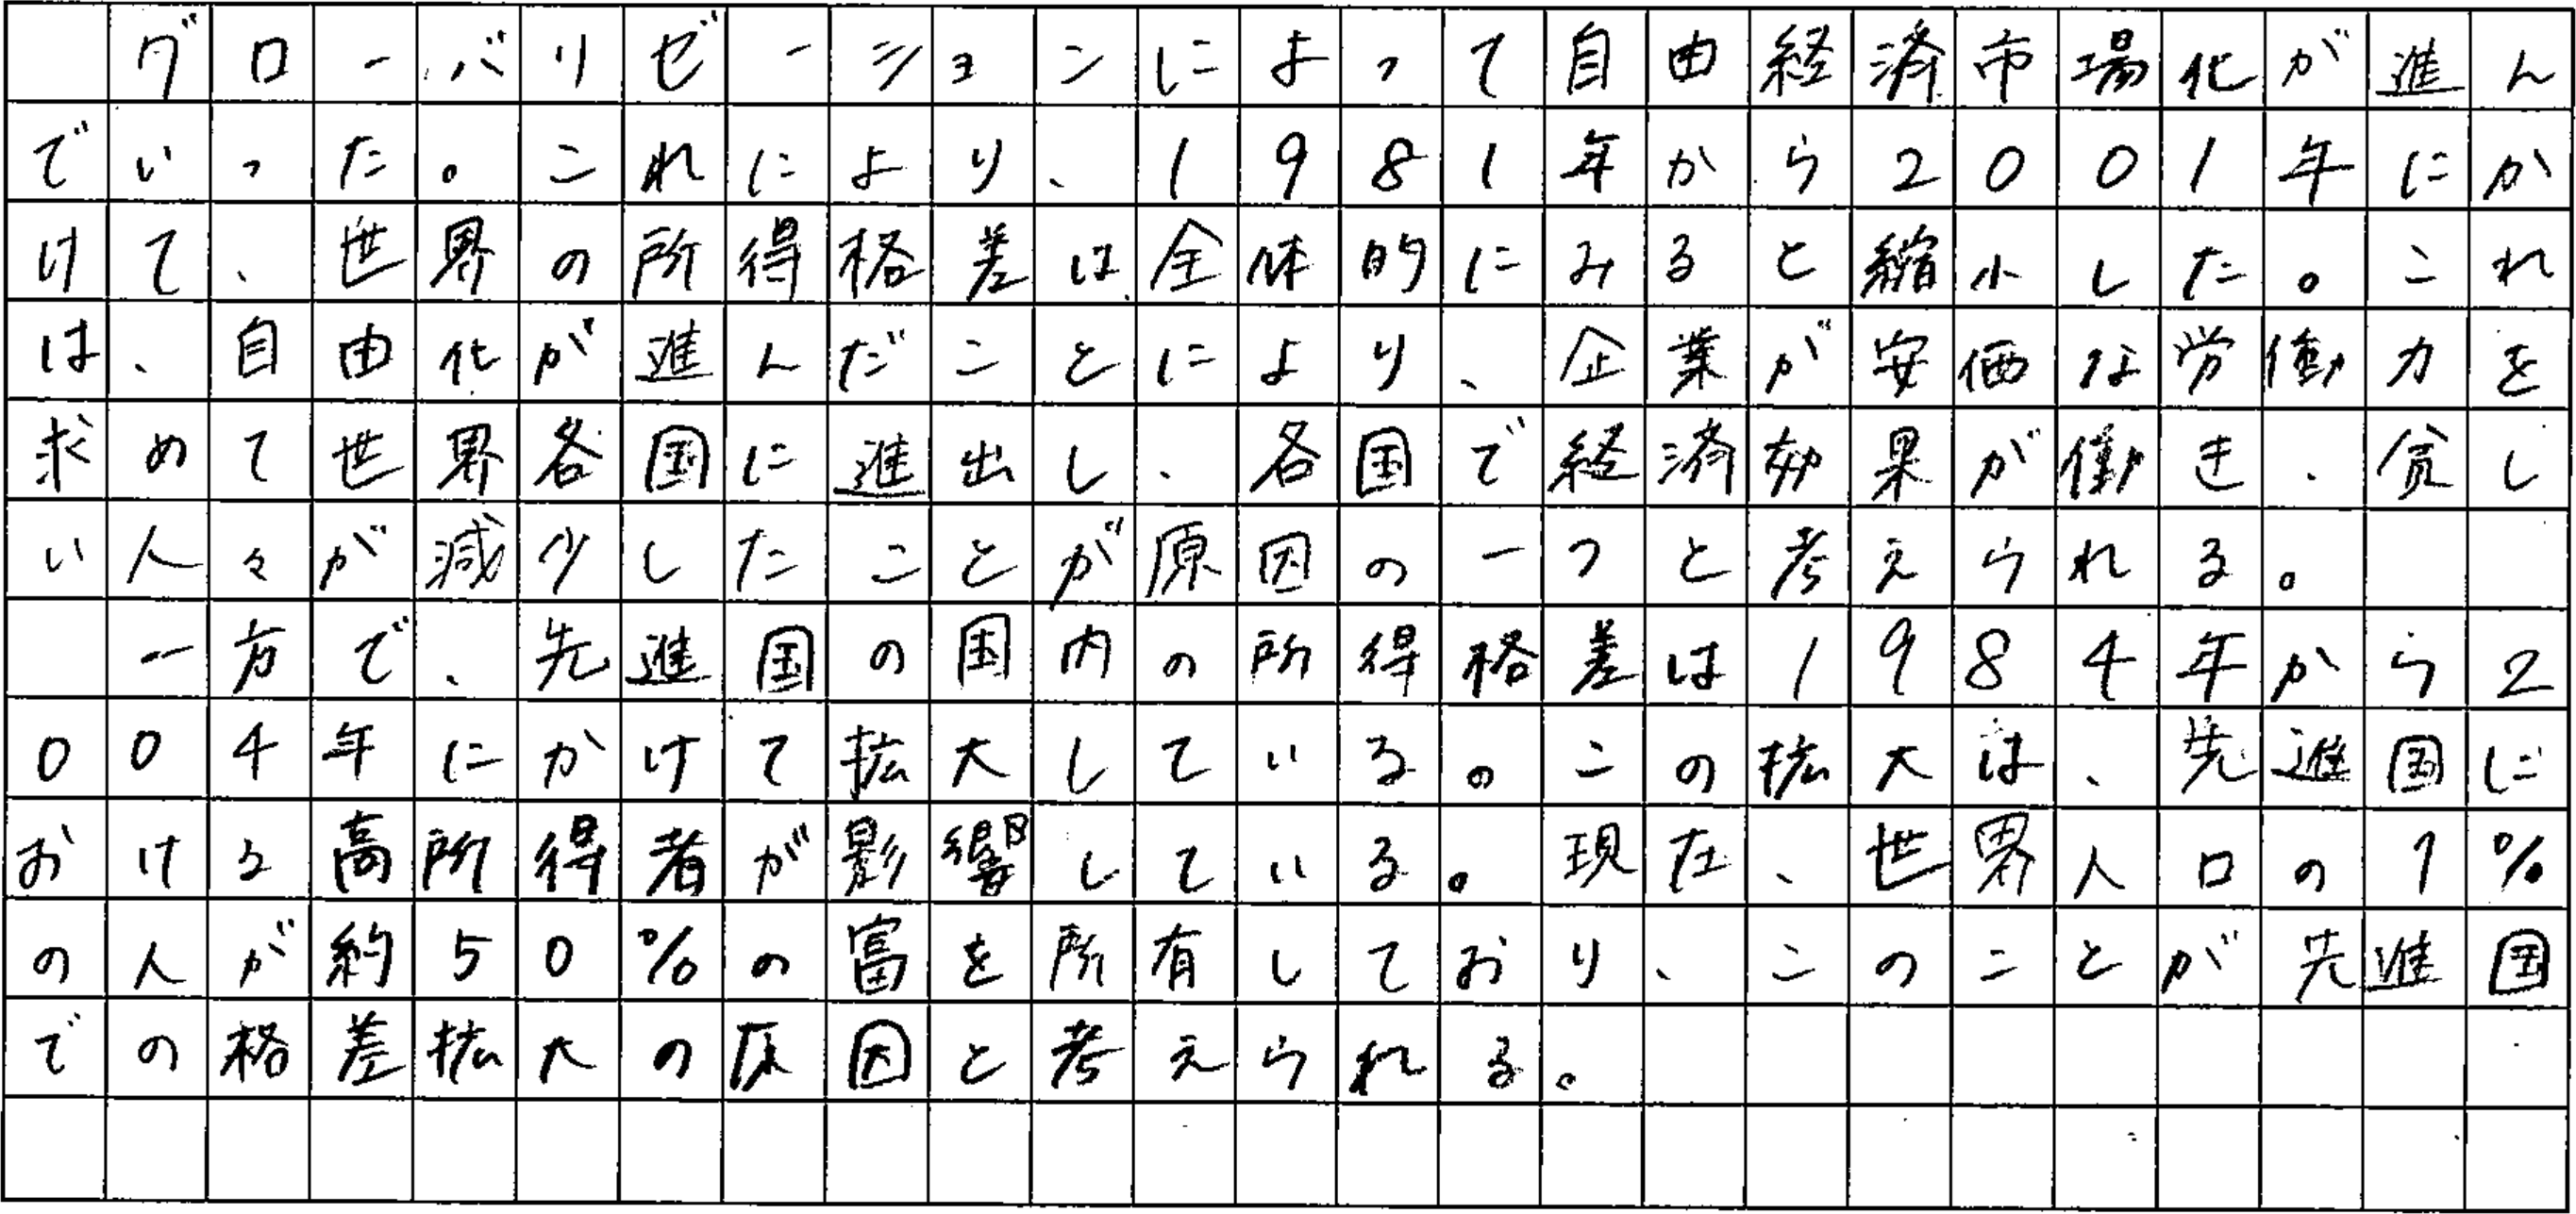　グローバリゼーションによって自由経済市場化が進んでいった。これにより、１９８１年から２００１年にかけて、世界の所得格差は全体的にみると縮小した。これは、自由化が進んだことにより、企業が安価な労働力を求めて世界各国に進出し、各国で経済効果が働き、貧しい人々が減少したことが原因の一つと考えられる。
　一方で、先進国の国内の所得格差は１９８４年から２００４年にかけて拡大している。この拡大は、先進国における高所得者が影響している。現在、世界人口の１％の人が約５０％の富を所有しており、このことが先進国での格差拡大の原因と考えられる。
